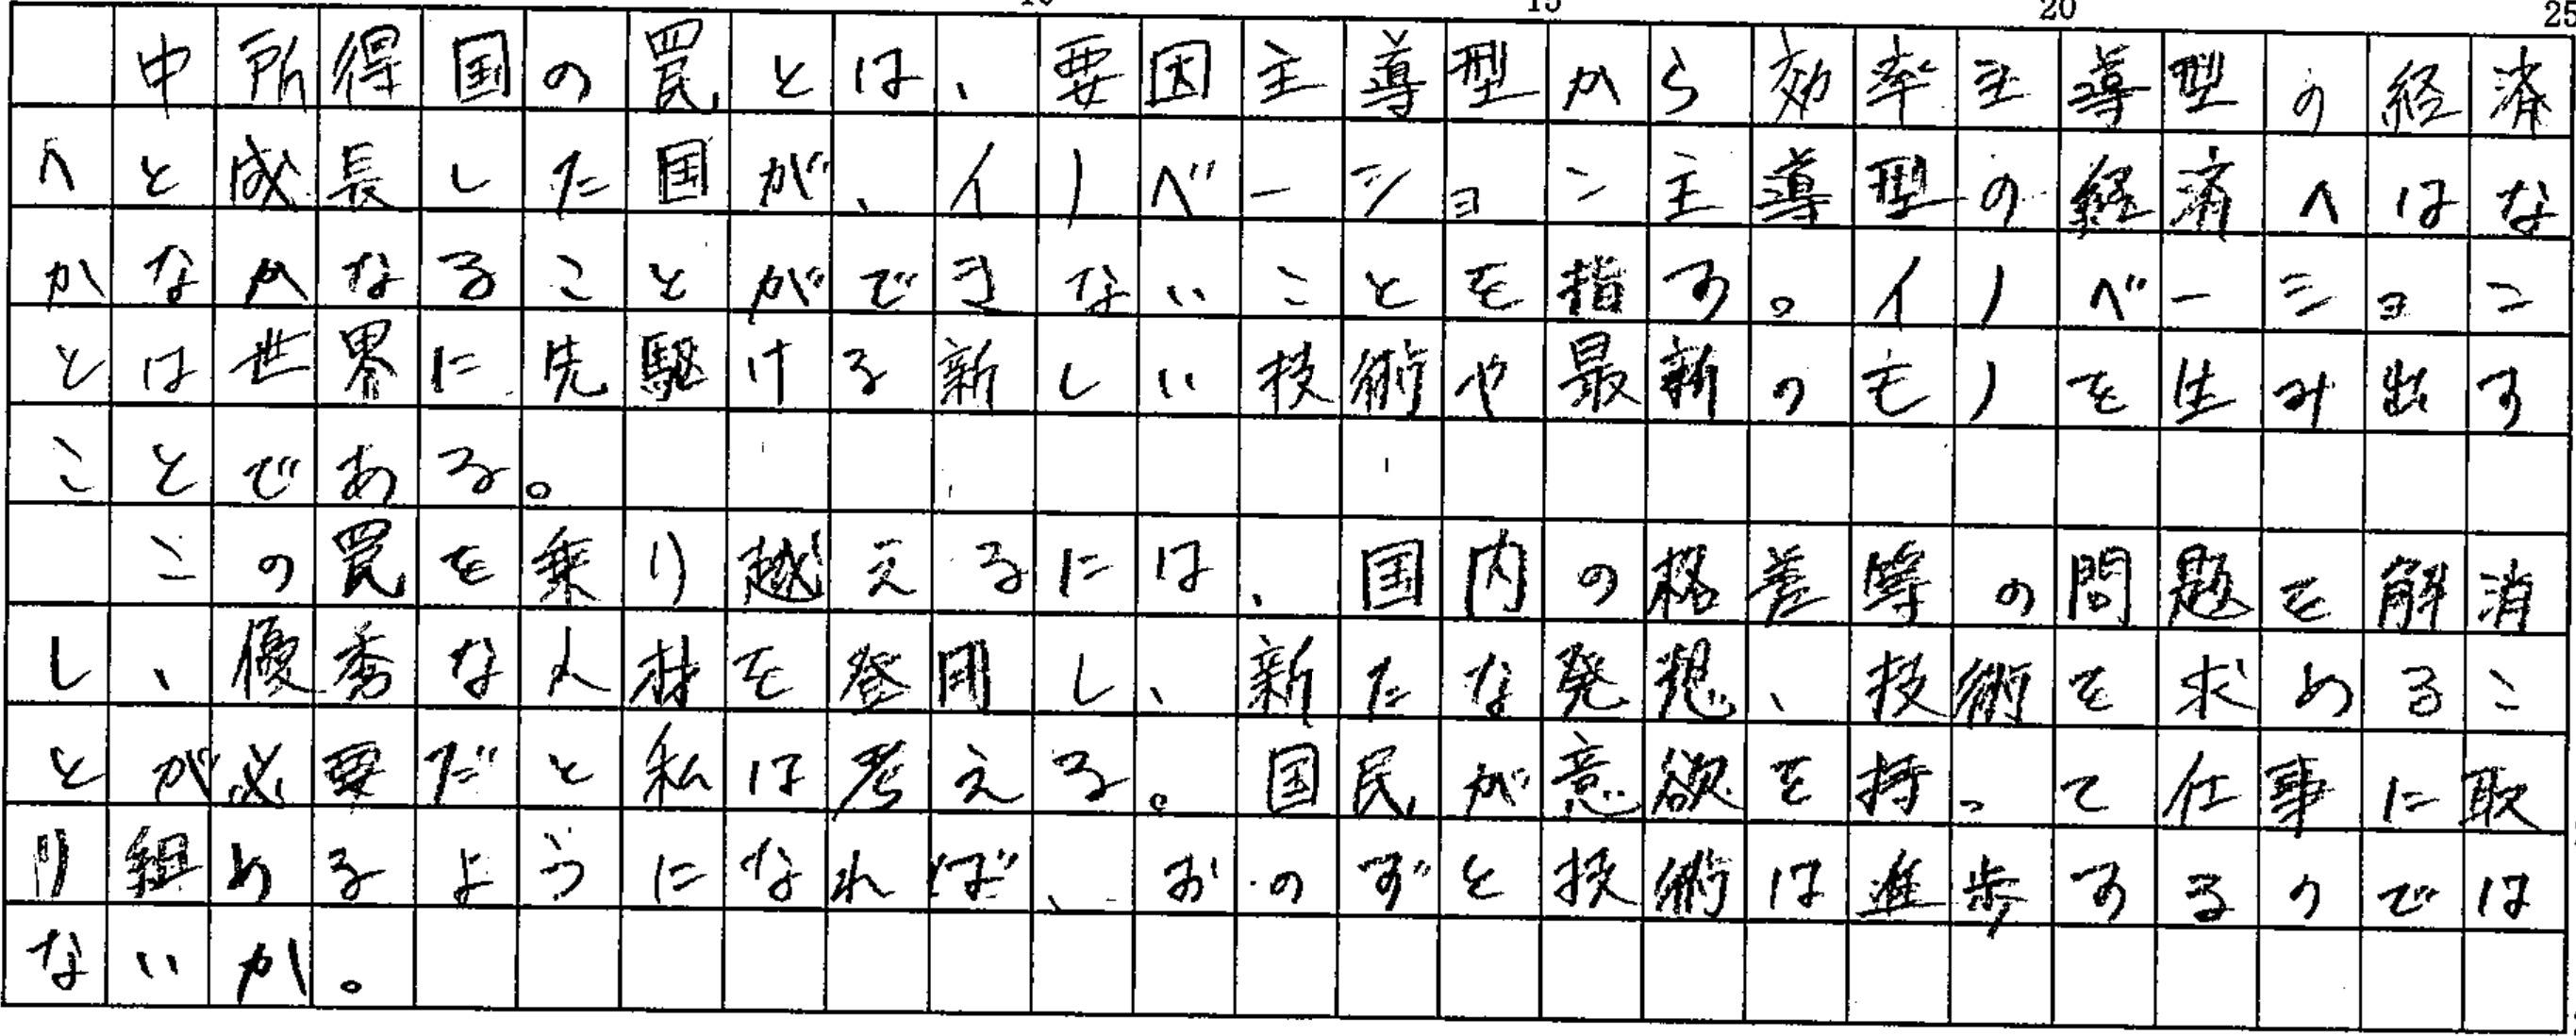　中所得国の罠とは、要因主導型から効率主導型の経済へと成長した国が、イノベーション主導型の経済へはなかなかなることができないことを指す。イノベーションとは世界に先駆ける新しい技術や最新のモノを生み出すことである。
　この罠を乗り越えるには、国内の格差等の問題を解消し、優秀な人材を登用し、新たな発想、技術を求めることが必要だと私は考える。国民が意欲を持って仕事に取り組めるようになれば、おのずと技術は進歩するのではないか。
